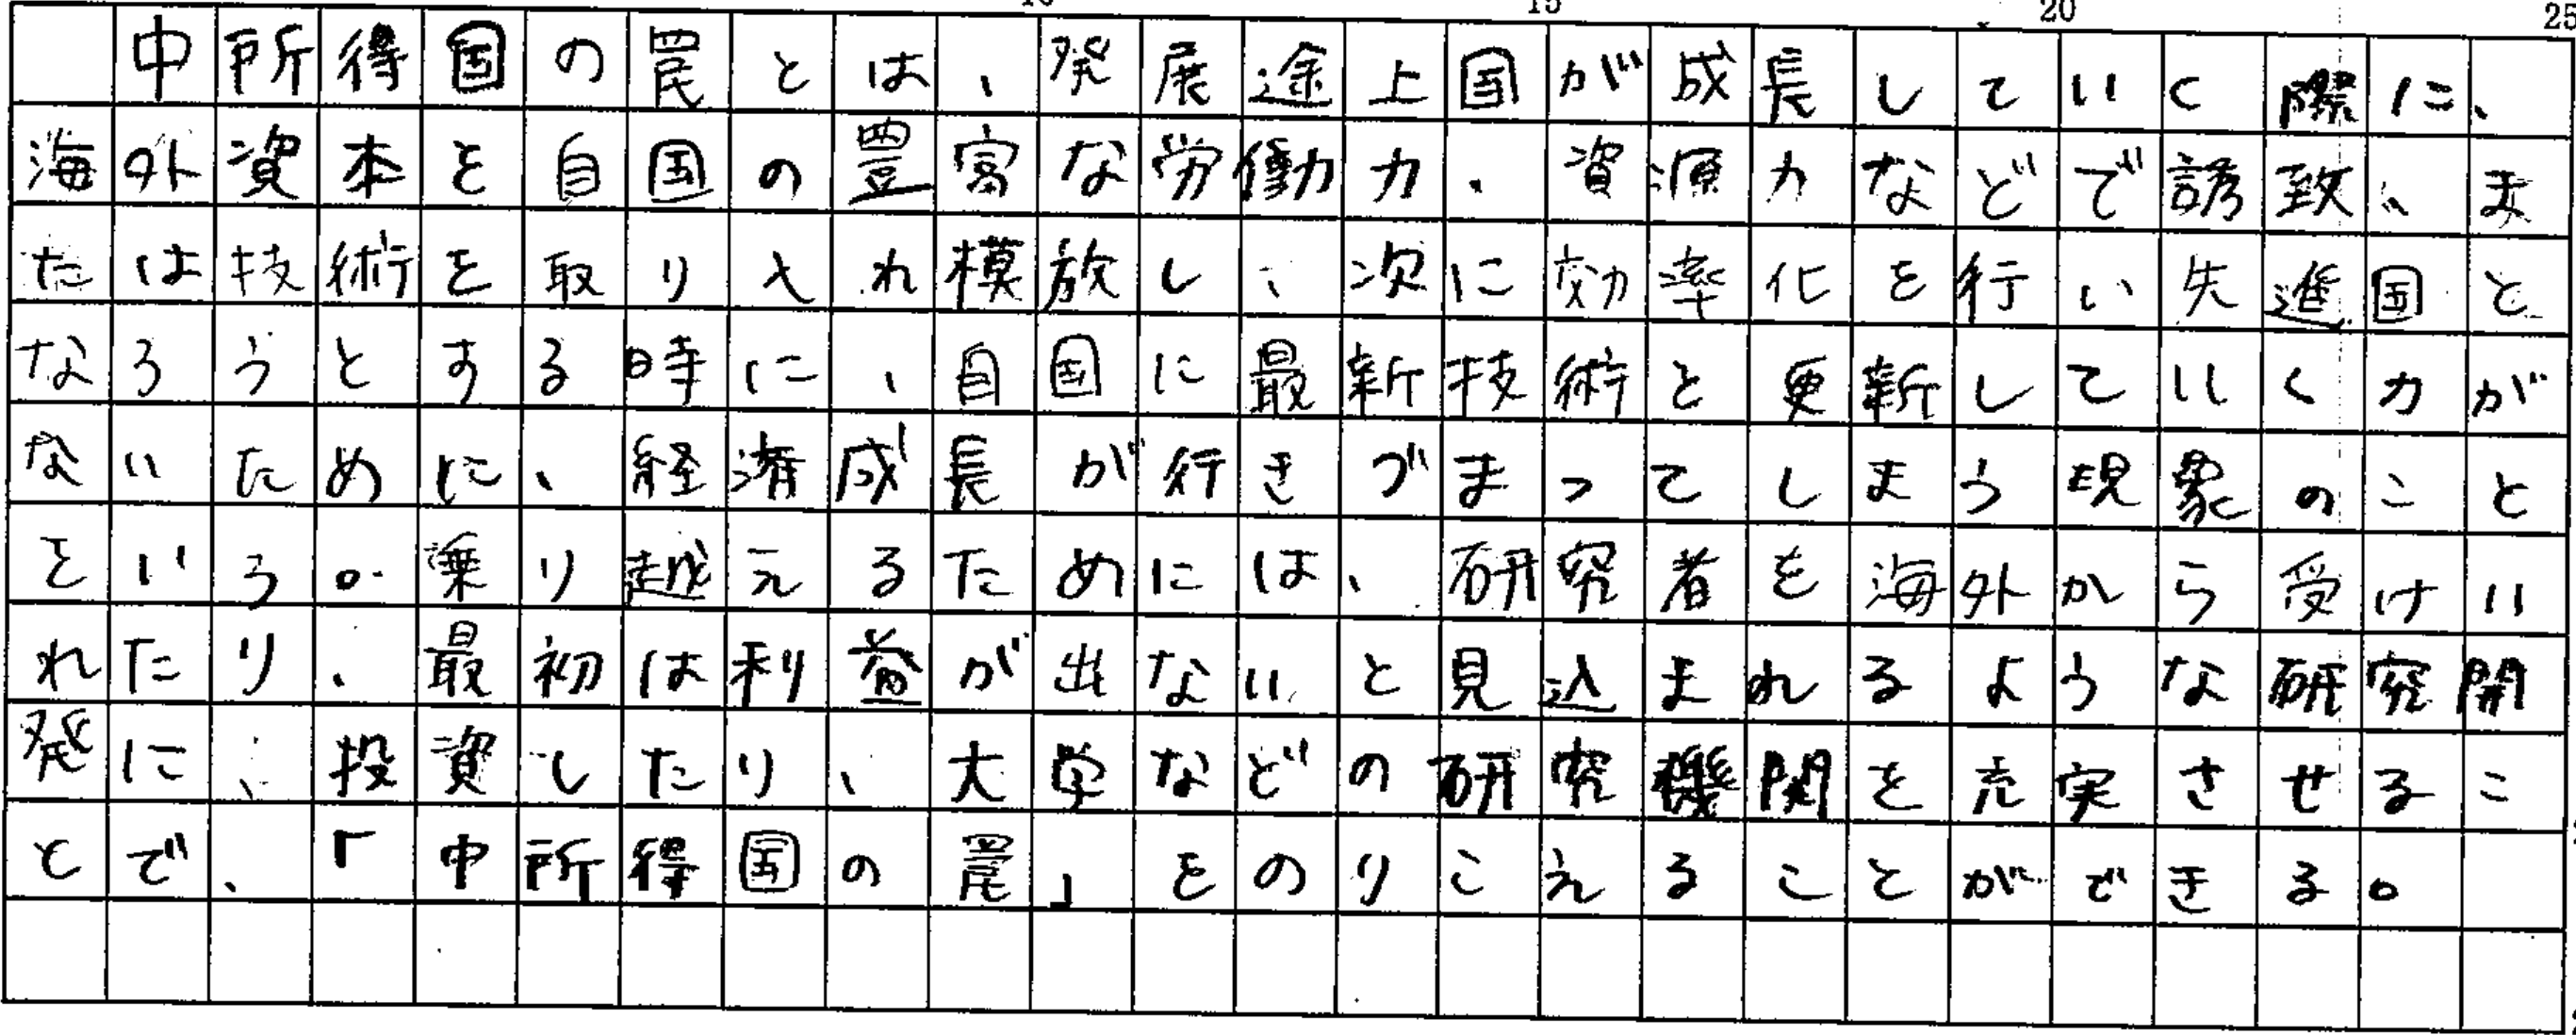　中所得国の罠とは、発展途上国が成長していく際に、海外資本を自国の豊富な労働力、資源力などで誘致、または技術を取り入れ模放し、次に効率化を行い先進国となろうとする時に、自国に最新技術を更新していく力がないために、経済成長が行きづまってしまう現象のことをいう。乗り越えるためには、研究者を海外から受けいれたり、最初は利益が出ないと見込まれるような研究開発に、投資したり、大学などの研究機関を充実させることで、「中所得国の罠」をのりこえることができる。
